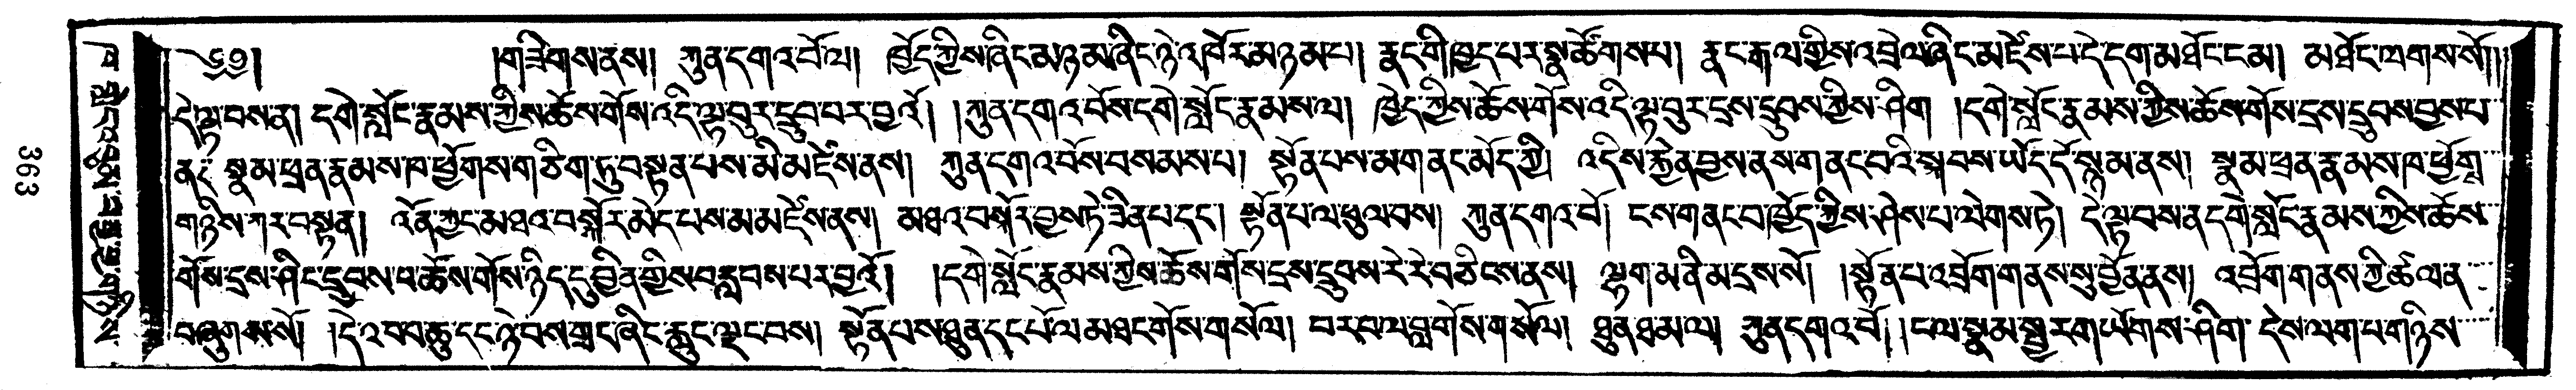༄༅། །གཟིགས་ནས། ཀུན་དགའ་བོ་ལ། ཁྱོད་ཀྱིས་ཞིང་མཉམ་ཞིང་ཉེ་འཁོར་མཉམ་པ། རྣང་གི་ཁྱད་པར་སྣ་ཚོགས་པ། རྣང་རྒལ་གྱིས་འབྲེལ་ཞིང་མཛེས་པ་དེ་དག་མཐོང་ངམ། མཐོང་ལགས་སོ།།
དེ་ལྟ་བས་ན། དགེ་སློང་རྣམས་ཀྱིས་ཆོས་གོས་འདི་ལྟ་བུར་དྲུབ་པར་བྱའོ། །ཀུན་དགའ་བོས་དགེ་སློང་རྣམས་ལ། ཁྱེད་ཀྱིས་ཆོས་གོས་འདི་ལྟ་བུར་དྲས་དྲུབས་ཀྱིས་ཤིག །དགེ་སློང་རྣམས་ཀྱིས་ཆོས་གོས་དྲས་དྲུབས་བྱས་པ་
ན༑ སྣམ་ཕྲན་རྣམས་ཁ་ཕྱོགས་གཅིག་ཏུ་བསྟན་པས་མི་མཛེས་ནས། ཀུན་དགའ་བོས་བསམས་པ། སྟོན་པས་མ་གནང་མོད་ཀྱི། འདིས་རྐྱེན་བྱས་ནས་གནང་བའི་སྐབས་ཡོད་དོ་སྙམ་ནས། སྣམ་ཕྲན་རྣམས་ཁ་ཕྱོགས་
གཉིས་ཀར་བསྟན། འོན་ཀྱང་མཐའ་བསྐོར་མེད་པས་མ་མཛེས་ནས། མཐའ་བསྐོར་བྱས་ཏེ་ཟིན་པ་དང་། སྟོན་པ་ལ་ཕུལ་བས། ཀུན་དགའ་བོ། ངས་གནང་བ་ཁྱོད་ཀྱིས་ཤེས་པ་ལེགས་ཏེ། དེ་ལྟ་བས་ན་དགེ་སློང་རྣམས་ཀྱིས་ཆོས་
གོས་དྲས་ཤིང་དྲུབས་པ་ཆོས་གོས་ཉིད་དུ་བྱིན་གྱིས་བརླབས་པར་བྱའོ། །དགེ་སློང་རྣམས་ཀྱིས་ཆོས་གོས་དྲས་དྲུ་བས་རེ་རེ་བཅིངས་ནས། ལྷག་མ་ནི་མ་དྲས་སོ། །སྟོན་པ་འབྲོག་གནས་སུ་བྱོན་ནས། འབྲོག་གནས་ཀྱི་ཚལ་ན་
བཞུགས་སོ། །དེ་འབབ་ཆུ་དང་ཉེ་བས་གྲང་ཞིང་རླུང་ལྡང་བས། སྟོན་པས་ཐུན་དང་པོ་ལ་མཐང་གོས་གསོལ། བར་བ་ལ་བླ་གོས་གསོལ། ཐུན་ཐ་མ་ལ། ཀུན་དགའ་བོ། །ང་ལ་སྣམ་སྦྱར་གཡོགས་ཤིག་དེས་ལག་པ་གཉིས་